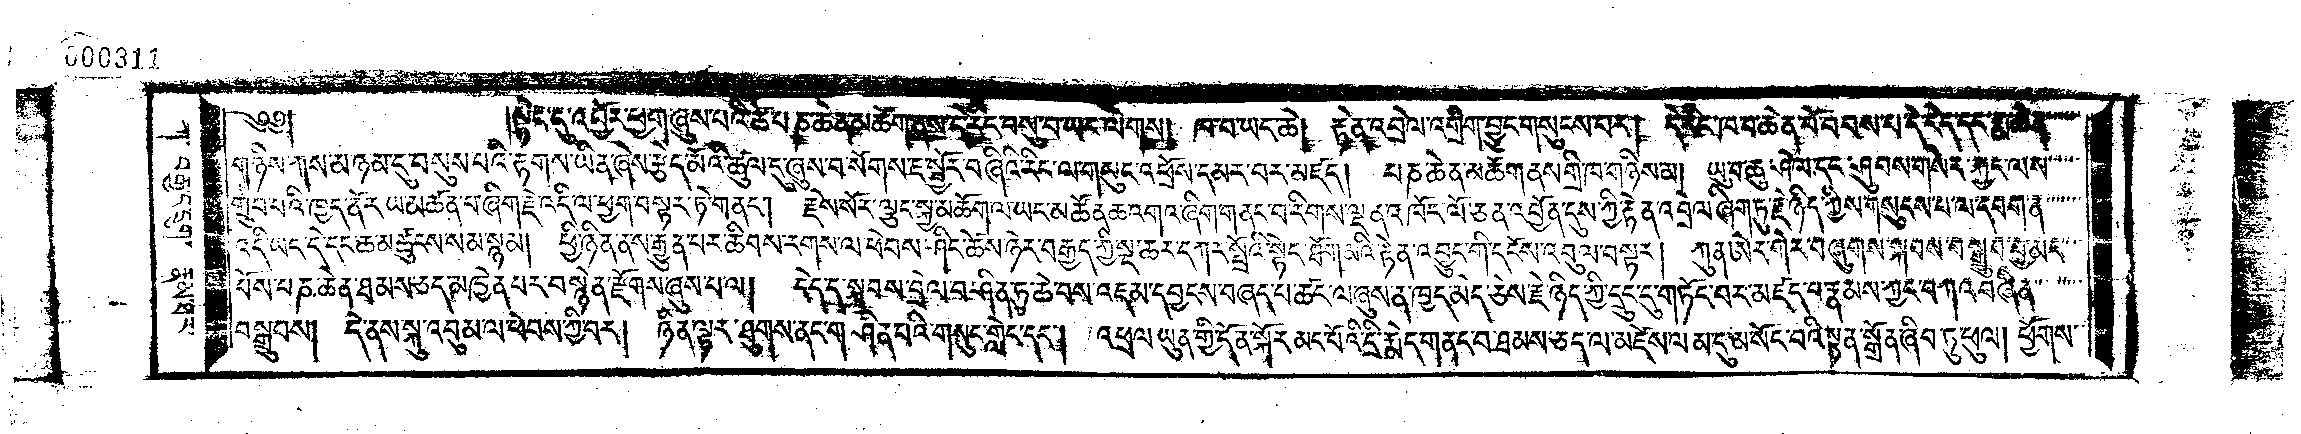༄༅། །སྟེང་དུ་འབྱོར་ཕྱག་ཞུས་པའི་ཚེ་པཎ་ཆེན་མཆོག་ནས་དེ་རིང་བསུ་བ་ཡང་ལེགས། ཁ་བ་ཡང་ཆེ། རྟེན་འབྲེལ་འགྲིག་བྱུང་གསུངས་པར། དེ་རིང་ཁ་བ་ཆེན་པོ་བབས་པ་དེ་ངེད་དང་རྨ་ཆེན་
གཉིས་ཀས་མཉམ་དུ་བསུས་པའི་རྟགས་ཡིན་ཞེས་རྩེད་མོའི་ཚུལ་དུ་ཞུས་པ་སོགས་ཇ་སྦྱོར་བཞིའི་རིང་ལ་གསུང་འཕྲོས་དམར་བར་མཛད། པཎ་ཆེན་མཆོག་ནས་གྲི་ཁ་གཉིས་མ། ཡུ་བ་ཆུ་ཤེལ་དང་ཤུབས་གསེར་རྐྱང་ལས་
གྲུབ་པའི་ཁྱད་ནོར་ཡ་མཚན་པ་ཞིག་རྗེ་འདི་ལ་ཕྱག་བསྟར་ཏེ་གནང་། རྗེས་སོར་ལྕང་སྐྱ་མཆོག་ལ་ཡང་མཚོན་ཆ་འགའ་ཞིག་གནང་བ་རིགས་ལྡན་འཁོར་ལོ་ཅན་འབྱོན་དུས་ཀྱི་རྟེན་འབྲེལ་ཞིག་ཏུ་རྗེ་ཉིད་ཀྱིས་གསུངས་པ་ལ་དཔག་ན་
འདི་ཡང་དེ་དང་ཆ་མཚུངས་སམ་སྙམ། ཕྱི་ཉིན་ནས་རྒྱུན་པར་ཆིབས་རགས་ལ་ཕེབས་ཤིང་ཚེས་ཉེར་བརྒྱད་ཀྱི་སྔ་ཆར་དཀར་སྲྭོའི་སྟེང་ཐོག་མའི་རྟེན་འབྱུང་གི་དངོས་འབུལ་བསྟར། ཀུན་ཨེར་གེར་བཞུགས་སྐབས་བསྒྲུབ་བྱ་མང་
པོས་པཎ་ཆེན་ཐམས་ཅད་མཁྱེན་པར་བསྙེན་རྫོགས་ཞུས་པ་ལ། དེད་ད་སྐབས་བྲེལ་བ་ཤིན་ཏུ་ཆེ་བས་འཇམ་དབྱངས་བཞད་པ་ཚང་ལ་ཞུས་ན་ཁྱད་མེད་ཅེས་རྗེ་ཉིད་ཀྱི་དྲུང་དུ་གཏོང་བར་མཛད་པ་རྣམས་ཀྱང་བཀའ་བཞིན་
བསྒྲུབས། དེ་ནས་སྐུ་འབུམ་ལ་ཕེབས་ཀྱི་བར། ཉིན་ལྟར་ཐུགས་ནང་གཤིན་པའི་གསུང་གླེང་དང་། འཕྲལ་ཡུན་གྱི་དོན་སྐོར་མང་པོའི་དྲི་མེད་གནང་བ་ཐམས་ཅད་ལ་མཛེས་ལམ་དུ་མ་སོང་བའི་སྙན་སྒྲོན་ཞིབ་ཏུ་ཕུལ། ཕྱོགས་